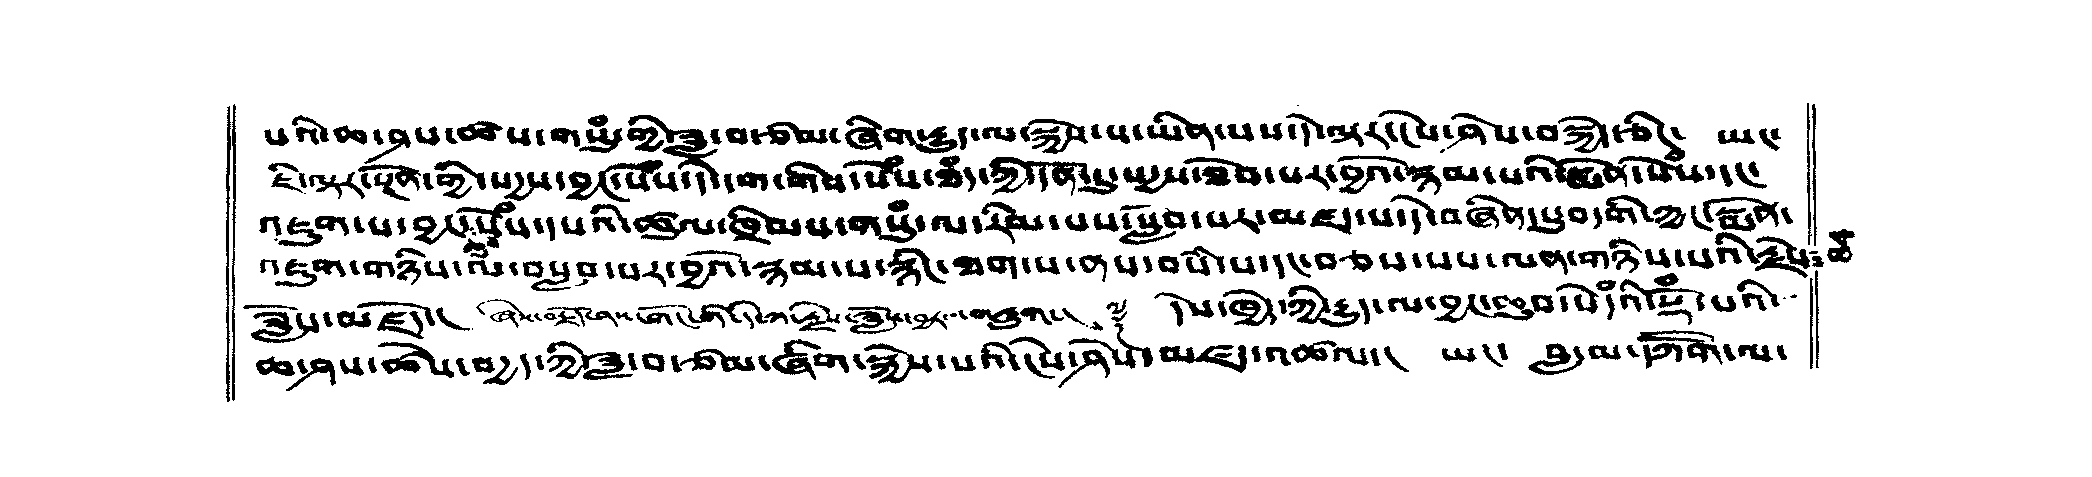པའི་ཆ་ཤས་ཚས་གསུམ་གྱི་ཟླ་བ་ཙམ་ཞིག་རྒྱུད་ལ་སྐྱེས་པ་ཡིན་པས་དེ་ལྟར་ངེས་ཤེས་བསྐྱེད་ཅིང་། ཡང་
ཇི་ལྟར་སྔོན་གྱི་སངས་རྒྱས་བྱང་སེམས་དེ་དག་གིས་སེམས་ཐམས་ཅད་ཀྱི་དོན་དུ་སངས་རྒྱས་ཐོབ་པར་བྱའོ་སྙམ་པའི་སྨོན་སེམས་དང་། 
འཇུག་པ་བྱང་ཆུབ་སེམས་དཔའི་ཚུལ་ཁྲིམས་གསུམ་ལ་རིམ་པས་སློབ་པར་མཛད་པ་དེ་བཞིན་དུ་བདག་གི་ཀྱང་སྨོན་
འཇུག་གཉིས་པལ་བསླབ་པར་བྱའོ་སྙམ་པ་སྙིང་ཐག་པ་ནས་བསམ་པ་དང་བཅས་ལན་གཉིས་པའི་རྗེས་
ཟློས་མཛོད།ཞེས་བརྗོད་ནས་གོང་གི་དེ་ཀ་རྗེས་ཟློས་བྱར་གཞུག ༈ དེས་ཁྱེད་ཀྱི་རྒྱུད་ལ་བྱང་ཆུབ་སེམས་དཔའི་སྡོམ་པའི་
ཆ་ཤས་ཚེས་བརྒྱད་ཀྱི་ཟླ་བ་ཙམ་ཞིག་སྐྱེས་པའི་ངེས་ཤེས་མཛད་འཚལ། ཡང་། བླ་མ་དཀོན་མཆོག་ལ་